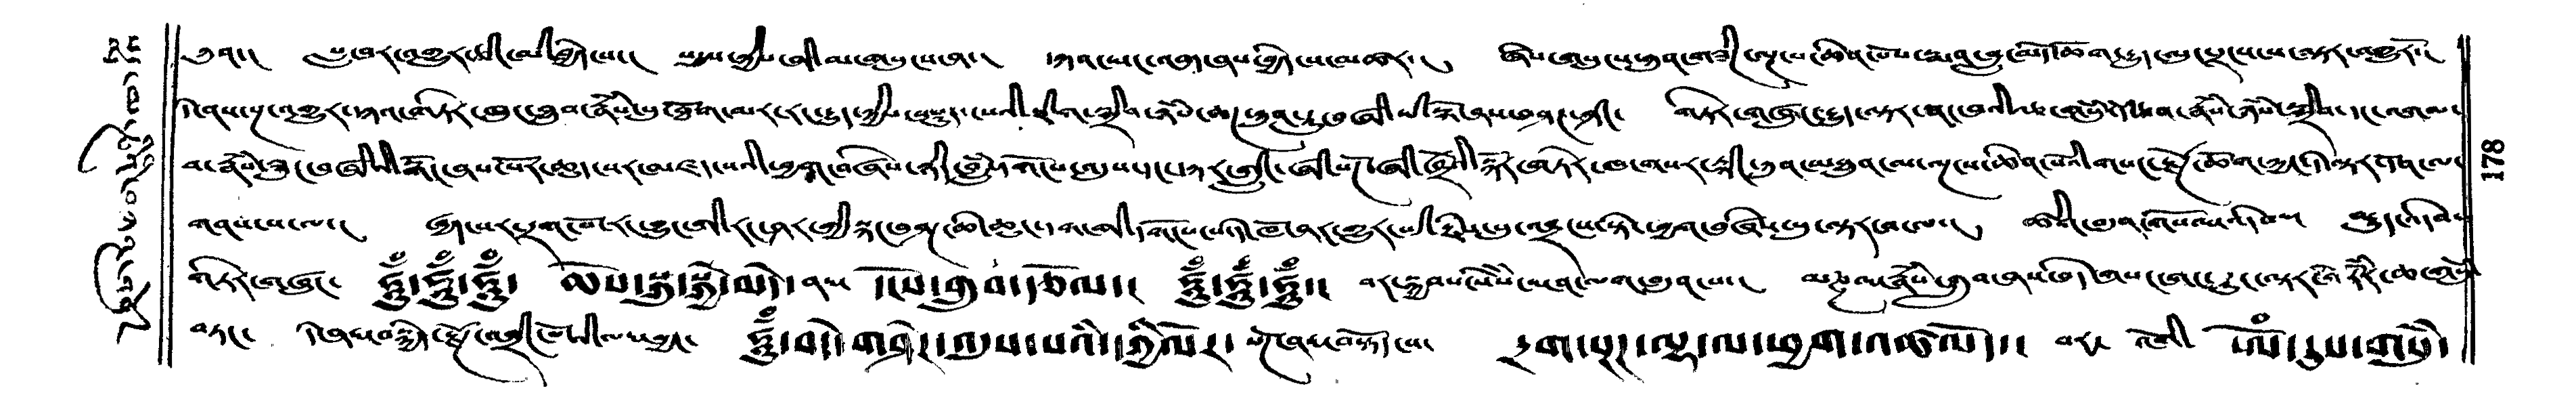ཀུན། །སླ་བར་འགྱུར་ཅིང་མི་བྱེད་པ། །སངས་རྒྱས་ཀྱིས་ནི་མ་གསུངས་ན། དཀའ་ཡང་འབད་ནས་བྱེད་པ་མཚར། །ཞེས་གསུངས་ཀུན་གཟིགས་ལྔ་པ་ཆེན་པོས་སྨན་བླའི་མདོ་ཆོག་ཏུ་ལུང་དྲངས་པ་ལྟར་འགྱུར་རོ། །
དེས་ན་སྔ་འགྱུར་བཀའ་གཏེར་ཁུངས་ཐུབ་རྣམས་སུ་ཐོག་མར་རང་རྒྱུད་ཀྱིས་བསྡུས་པའི་སྡིག་སྒྲིབ་ཉམས་ཆག་ཀུན་ཏུ་ཞི་བའི་སྒོ་ནས་བཤགས་ཤིང་། གཏེར་གཞུང་རྒྱུད་ལྟར་སྣང་བའི་རྩ་གསུམ་དམ་ཅན་རྣམས་ཉམས་སྒྲིབ་དང་འགལ་
བ་རྣམས་ཟུང་བཞིའི་སྒོ་ནས་སོར་ཆུད་པར་མཛད་པའི་ཕྱག་བཞེས་ཉིད་བྱང་ཆུབ་དགོངས་འདུས་དང་ཀར་གླིང་ཞི་ཁྲོ་སོགས་ཞི་ཁྲོའི་སྐོར་གཏེར་ཁ་གསར་རྙིང་ཀུན་མཐུན་ལ་ལྔ་པ་ཆེན་པོའི་གསང་རྫོགས་ཀྱང་དེ་ལྟར་དོན་ལ་
གནང་་པ་ལ། ཁྱད་པར་དྲག་པོ་རང་བྱུང་རང་ཤར་གྱི་སྐོང་བཤགས་ཆེ་ཆུང་དག་གི་དགོངས་པ་དེ་ཁོ་ནར་གྱུར་པའི་རྗེས་སུ་འབྲངས་ཏཻ་ཕྱག་བཞེས་སུ་སྟར་བ་ལ། ཚིག་བདུན་གསོལ་འདེབས། བརྒྱུད་འདེབས་
གཏེར་གཞུང་། ཧཱུྃ་ཧཱུྃ་ཧཱུྃ༔ ཆོས་སྐུ་སྐྱེ་མེད་ནས། དངོས་གྲུབ་སྩོལ༔ ཧྃའུ་ཧཱུྃ་ཧཱུྃ༔ བར་སྐྱབས་སེམས་ཡན་ལག་བདུན་པ། མཎྜལ་རྣམས་གྲུབ་ནས་བདེ་གསང་གང་རུང་ལྟར་གཏོར་མ་ཆ་གསུམ་
བཏང་། དེ་ནས་བསྐྱེད་རྫོགས་འབྲིང་པོའི་ལས་བྱང་། ཧཱུྃ༔ བདེ་གཤེགས་འདུས་པའི་དཀྱིལ་འཁོར༴ སོགས་ནས་བསྟོད་པ། དྲག་སྔགས་ལྷ་ལ་ཕྱག་འཚལ་ལོ༔ །བར། འོག་གི ཨོཾ༔ དུས་གསུམ༴